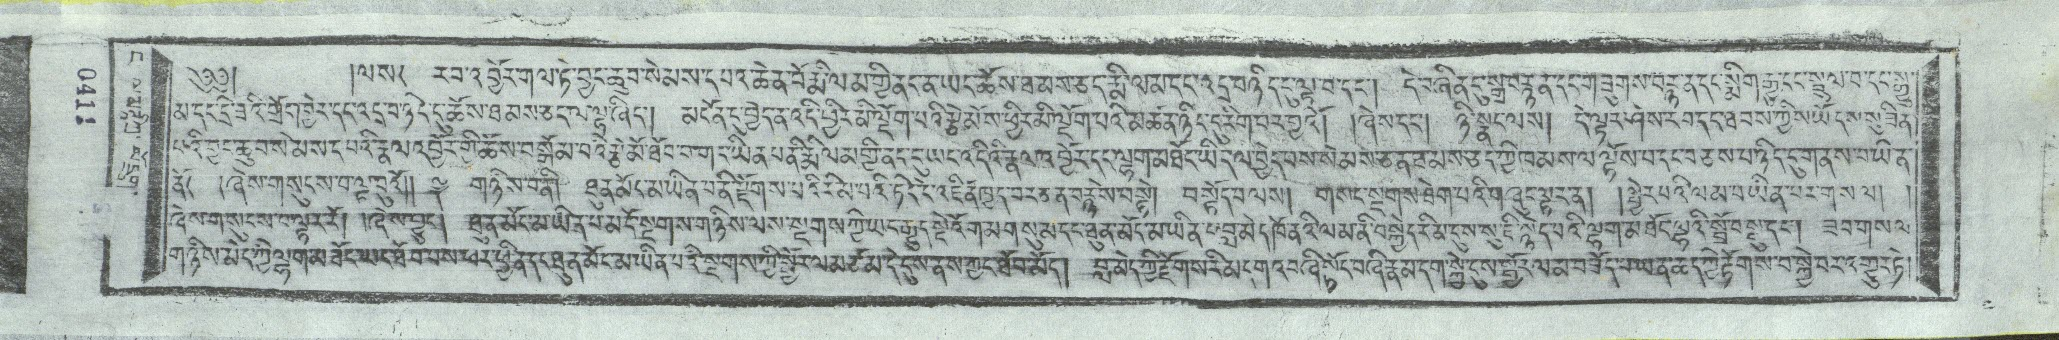༄༅། །ལས༑ རབ་འབྱོར་གལ་ཏེ་བྱང་ཆུབ་སེམས་དཔའ་ཆེན་བོ་རྨི་ལམ་གྱི་ནང་ན་ཡང་ཆོས་ཐམས་ཅད་རྨི་ལམ་དང་འདྲ་བ་ཉིད་དུ་ལྟ་བ་དང་། དེ་བཞིན་དུ་སྒྲ་བརྙན་དང་གཟུགས་བརྙན་དང་སྨིག་རྒྱུ་དང་སྦྲུལ་བ་དང་སྒྱུ་
མ་དང་དྲི་ཟའི་གྲོང་ཁྱེར་དང་འདྲ་བ་ཉིང་དུ་ཆོས་ཐམས་ཅད་ལ་ལྟ་ཞིང་། མངོན་དུ་བྱེད་ན་འདི་ཕྱིར་མི་ལྡོག་པའི་རྩེ་མོས་ཕྱིར་མི་ལྡོག་པའི་མཚན་ཉིད་དུ་རིག་པར་བྱའོ། །ཞེས་དང་། ཉི་སྣང་ལས། དེ་ལྟར་ཤེས་རབ་དང་ཐབས་ཀྱིས་ཡོད་ས་སུ་ཟིན་
པའི་བྱང་ཆུབ་སེམས་དཔའི་རྣལ་འབྱོར་གྱི་ཆོས་བསྒོམ་བའི་རྩེ་མོ་ཐོབ་པ་གང་ཡིན་པ་ནི་རྨིས་ལམ་གྱི་ནང་དུ་ཡང་འདིའི་རྣལ་འབྱོར་དང་ལྷག་མཐོང་ཡིད་ལ་བྱེད་པས་སེམས་ཅན་ཐམས་ཅད་ཀྱི་ཁམས་ལ་ལྟོས་པ་དང་བཅས་པ་ཉིད་དུ་གནས་པ་ཡིན་
ནོ༑ ༑ཞེས་གསུངས་པ་ལྟ་བུའོ།། ༈ གཉིས་པ་ནི། ཐུན་མོང་མ་ཡིན་པ་ནི་རྫོགས་པའི་རིམ་པའི་ཏིང་ངེ་འཛིན་ཁྱད་པར་ཅན་བརྙེས་བསྟེ། བསྟོད་པ་ལས། གསང་སྔགས་ཐེག་པའི་གཞུང་ལྟར་ན། །སྤྱོར་པའི་ལམ་པ་ཡིན་པར་གསལ།
ཞེས་གསུངས་པ་ལྟར་རོ། །ཞེས་བྱུང་། ཐུན་མོང་མ་ཡིན་པ་མདོ་སྔགས་གཉིས་ལས་སྔགས་ཀྱི་ཡང་རྒྱུད་སྡེའོག་མ་གསུམ་དང་ཐུན་མོང་མ་ཡིན་པ་བླ་མེད་ཁོ་ནའི་ལམ་ནི་བསྐྱེད་རིམ་དུས་སུ་ཇི་སྙེད་པའི་ལྷག་མཐོང་ལྷའི་སྤོ་བ་སྡུ་དང་ཟབ་གསལ་
གཉིས་མེད་ཀྱི་ལྷག་མཐོང་ཡང་ཐོབ་པས་ཕར་ཕྱིན་དང་ཐུན་མོང་མ་ཡིན་པའི་སྔགས་ཀྱི་སྦྱོར་ལམ་ཙམ་དེ་དུས་ནས་ཀྱང་ཐོབ་མོད། བླ་མེད་ཀྱི་རྫོགས་རིམ་དགའ་བཞི་སྟོང་བཞི་རྣམ་དག་སྐྱེ་དུས་སྒྱོར་ལམ་བཟོད་པ་ཡན་ཆད་ཀྱི་རྟོགས་བསྐྱེ་བར་འགྱུར་ཏེ།